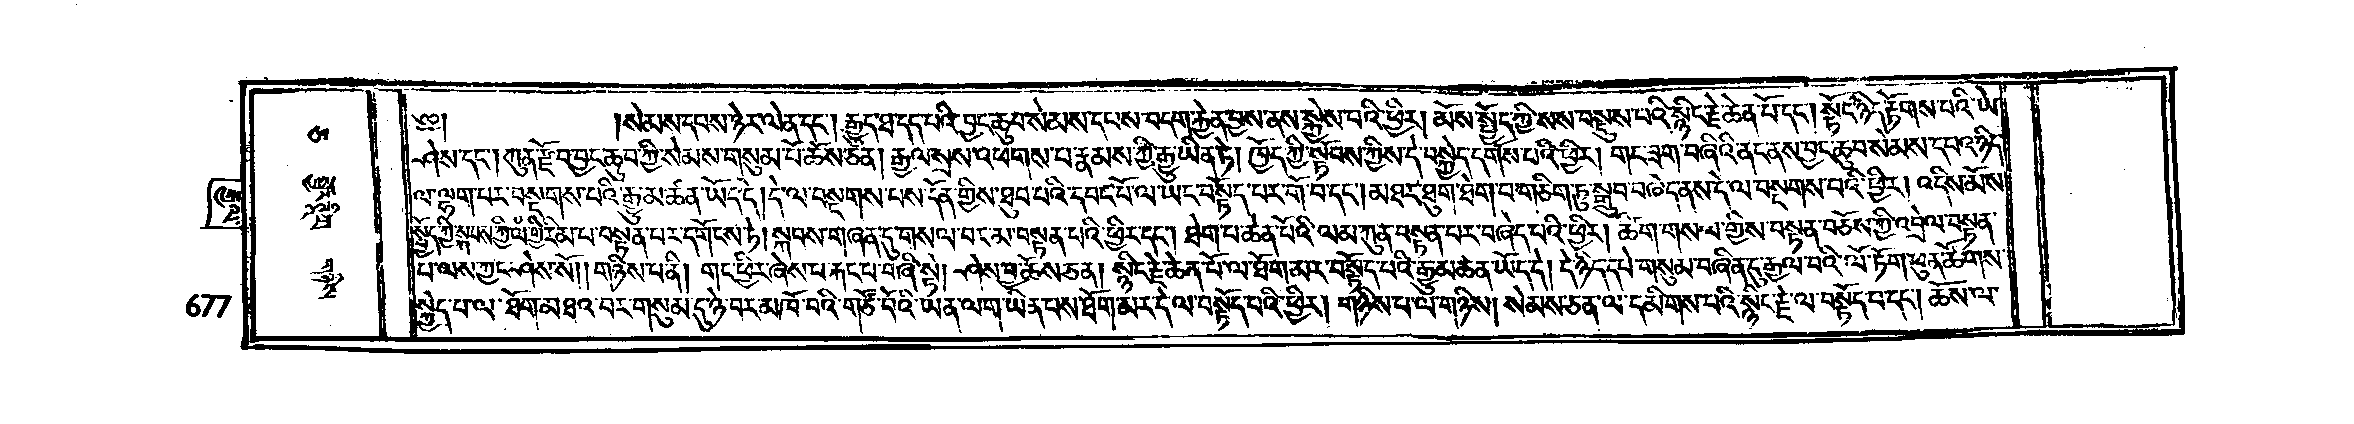༄༅། །སེམས་དཔས་ཉེར་ལེན་དང་། རྒྱུད་ཐ་དད་པའི་བྱང་ཆུབ་སེམས་དཔས་བདག་རྐྱེན་བྱས་ནས་སྐྱེས་པའི་ཕྱིར། མོས་སྤྱོད་ཀྱི་སས་བསྡུས་པའི་སྙིང་རྗེ་ཆེན་པོ་དང་། སྟོང་ཉིད་རྟོགས་པའི་ཡེ་
ཤེས་དང་། ཀུན་རྫོབ་བྱང་ཆུབ་ཀྱི་སེམས་གསུམ་པོ་ཆོས་ཅན། རྒྱལ་སྲས་འཕགས་པ་རྣམས་ཀྱི་རྒྱུ་ཡིན་ཏེ། ཁྱོད་ཀྱི་སྟོབས་ཀྱིས་དེ་བསྐྱེད་དགོས་པའི་ཕྱིར། གང་ཟག་བཞིའི་ནང་ནས་བྱང་ཆུབ་སེམས་དཔའ་ཉིད་
ལ་ལྷག་པར་བསྔགས་པའི་རྒྱུ་མཚན་ཡོད་དེ། དེ་ལ་བསྔགས་པས་དོན་གྱིས་ཐུབ་པའི་དབང་པོ་ལ་ཡང་བསྟོད་པར་གོ་བ་དང་། མཐར་ཐུག་ཐེག་པ་གཅིག་ཏུ་སྒྲུབ་བཞེད་ནས་དེ་ལ་བསྔགས་པའི་ཕྱིར། འདིས་མོས་
སྤྱོད་ཀྱི་སྐབས་ཀྱི་ལམ་གྱི་རིམ་པ་བསྟན་པར་དགོངས་ཏེ། སྐབས་གཞན་དུ་གསལ་བར་མ་བསྟན་པའི་ཕྱིར་དང་། ཐེག་པ་ཆེན་པོའི་ལམ་ཀུན་བསྟན་པར་བཞེད་པའི་ཕྱིར། ཚིག་གསལ་གྱིས་བསྟན་བཅོས་ཀྱི་འབྲེལ་བསྟན་
པ་ལས་ཀྱང་ཤེས་སོ། །གཉིས་པ་ནི། གང་ཕྱིར་ཞེས་པ་རྐང་པ་བཞི་སྟེ། ཤེས་བྱ་ཆོས་ཅན། སྙིང་རྗེ་ཆེན་པོ་ལ་ཐོག་མར་བསྟོད་པའི་རྒྱུ་མཚན་ཡོད་དེ། དེ་ཉིད་དཔེ་གསུམ་བཞིན་དུ་རྒྱལ་བའི་ལོ་རྟོག་ཕུན་ཚོགས་
སྐྱེད་པ་ལ་ཐོག་མཐའ་བར་གསུམ་དུ་ཉེ་བར་མཁོ་བའི་གཙོ་བོའི་ཡན་ལག་ཡིན་པས་ཐོག་མར་དེ་ལ་བསྟོད་པའི་ཕྱིར། གཉིས་པ་ལ་གཉིས། སེམས་ཅན་ལ་དམིགས་པའི་སྙིང་རྗེ་ལ་བསྟོད་པ་དང་། ཆོས་ལ་